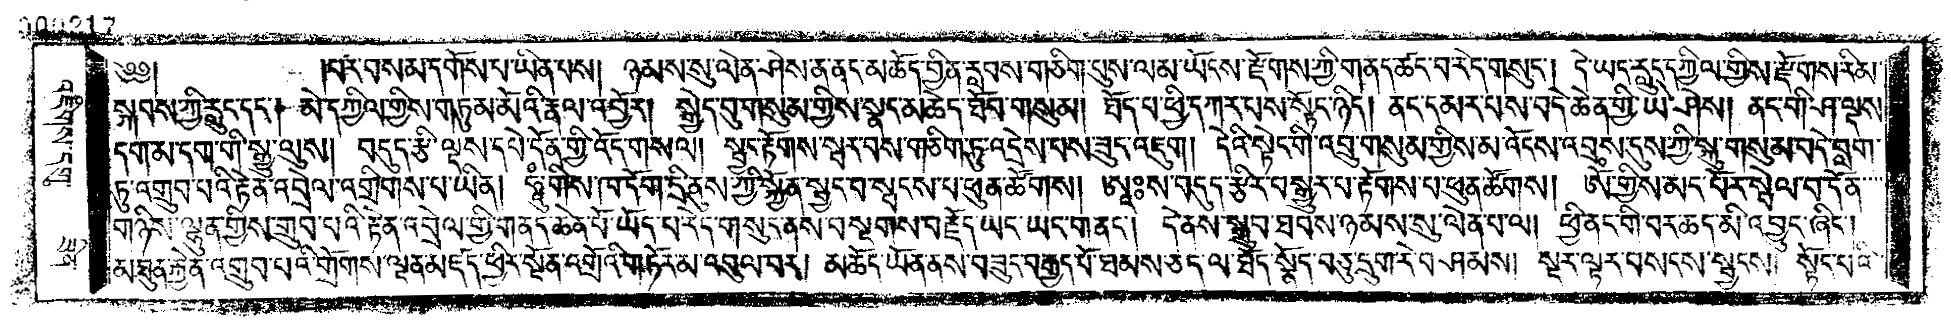༄༅། །པར་བསམ་དགོས་པ་ཡིན་པས། ཉམས་སུ་ལེན་ཤེས་ན་ནང་མཆོད་བྱིན་རླབས་གཅིག་པུས་ལམ་ཡོངས་རྫོགས་ཀྱི་གནད་ཚང་བ་རེད་གསུང་། དེ་ཡང་རླུང་དཀྱིལ་གྱིས་རྫོགས་རིམ་
སྐབས་ཀྱི་རླུང་དང་། མེ་དཀྱིལ་གྱིས་གཏུམ་མོའི་རྣལ་འབྱོར། སྒྱེད་བུ་གསུམ་གྱིས་སྣང་མཆེད་ཐོབ་གསུམ། ཐོད་པ་ཕྱི་དཀར་པས་སྟོང་ཉིད། ནང་དམར་པས་བདེ་ཆེན་གྱི་ཡེ་ཤེས། ནང་གི་ཤ་ལྔས་
དག་མ་དག་གི་སྒྱུ་ལུས། བདུད་རྩི་ལྔས་དཔེ་དོན་གྱི་འོད་གསལ། སྦྱང་རྟོགས་སྦར་བས་གཅིག་ཏུ་འདྲེས་པས་ཟུང་འཇུག །དེའི་སྟེང་གི་འབྲུ་གསུམ་གྱིས་མ་འོངས་འབརས་དུས་ཀྱི་སྐུ་གསུམ་བདེ་བླག་
ཏུ་འགྲུབ་པའི་རྟེན་འབྲེལ་འགྲིགས་པ་ཡིན། ཧཱུཾ་གྱིས་ཁ་དོག་དྲི་ནུས་ཀྱི་སྐྱོན་སྦྱང་བ་སྤངས་པ་ཕུན་ཚོགས། ཨཱཿ ས་བདུད་རྩིར་བསྒྱུར་པ་རྟོགས་པ་ཕུན་ཚོགས། ཨོཾ་གྱིས་མང་པོར་སྦེལ་བ་དོན་
གཉིས་ལྷུན་གྱིས་གྲུབ་པའི་རྟེན་འབྲེལ་གྱི་གནད་ཆེན་པོ་ཡོད་པ་རེད་གསུང་ནས་བསྔགས་བརྗོད་ཡང་ཡང་གནང་། དེ་ནས་སྒྲུབ་ཐབས་ཉམས་སུ་ལེན་པ་ལ། ཕྱི་ནང་གི་བར་ཆད་མི་འབྱུང་ཞིང་།
མཐུན་རྐྱེན་འགྲུབ་པའི་གྲོགས་ལྡན་མཛད་ཕྱིར་སྔོན་འགྲོའི་གཏོར་མ་འབུལ་བར། མཆོད་ཡོན་ནས་བཟུང་བརྒྱད་པོ་ཐམས་ཅད་ལ་ཐོད་སྣོད་བཅུ་དྲུག་རེ་བཤམས། སྔར་ལྟར་བསངས་སྦྱངས། སྟོང་པའི་